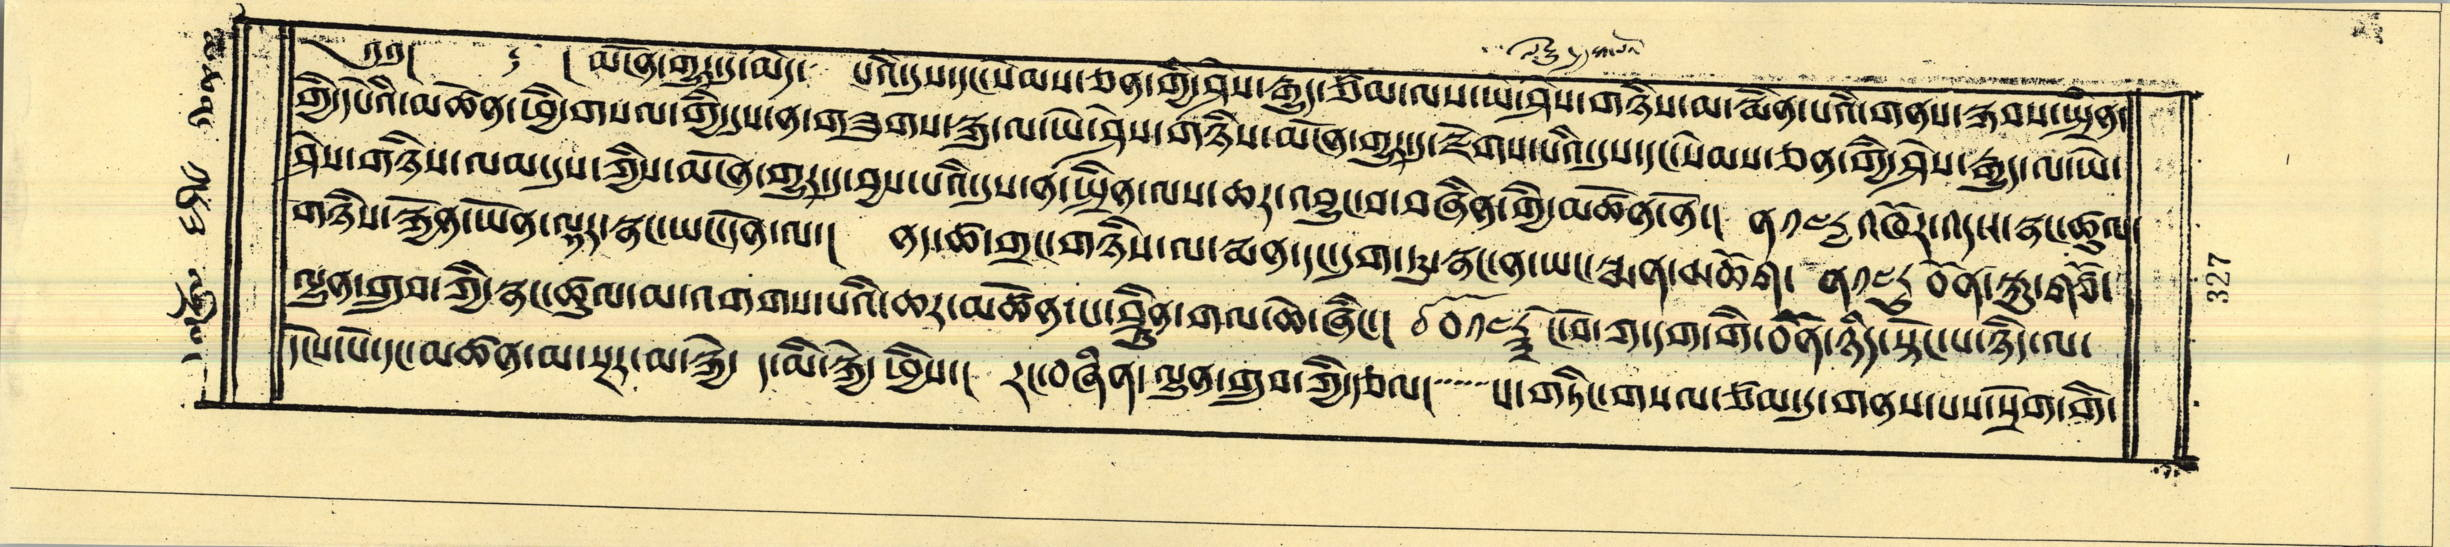མངོན་གྱུར་དུ་མེད་ པའི་དུས་དང་སེམས་ཅན་གྱི་ཤེས་རྒྱུད་ཙམ་ལས་ཡེ་ཤེས་གཉིས་མ་སྨིན་པའི་གནས་སྐབས་སྤྲིན་
གྱི་དཔེའི་མཚོན་ཕྱི་གསལ་གྱི་དུས་ན་གཟུགས་སྐུ་ལ་ཡེ་ཤེས་གཉིས་མངོན་གྱུར་དུ་སྫོགས་པའི་དུས་དང་སེམས་ཅན་གྱི་ཤེས་རྒྱུད་ལ་ཡེ་
ཤེས་གཉིས་ལམ་དུས་ཀྱིས་མངོན་གྱུར་དུ་བྱས་པའི་དུས་ན་སྤྲིན་ལས་ཆར་འབྱུང་བ་བཞིན་གྱི་མཚོན་ནོ། ན༡༤༨།༤ ༼འཁོར་འདས་༽སྣང་ཚུལ་
གཉིས་སྐྱོན་ཡོན་ལྟར་སྣང་ཡང་དོན་ལ། ནད་ཚ་གྲང་གཉིས་ལ་སྨན་དང་དུག་ཏུ་སྣང་ན་ཡང་ ༼སྨན་མཆོག་༽ན༡༤༨།༦ བོན་སྐུ་གཙོ་
ལྷུན་གྲུབ་ཀྱི་སྣང་ཚུལ་མ་འགགས་པའི་ཆར་མཚོན་པ་ཤིན་ཏུ་གལ་ཆེ་ཞིང། ་་་་་་་་་་་་་་བ༡༤༨།༣ ངོ་བོ་ཀ་དག་གི་བོན་ཉིད་སྟོང་པ་ཉིད་ལ་
དངོས་པོ་དང་མཚན་མ་སྔར་མ་སྐྱེ། ད་མི་སྐྱེ་ཕྱིས། ༼རང་བཞིན་༽ལྷུན་གྲུབ་ཀྱི་རྩལ། ༼པ་༽ གཏིང་གསལ་ཙམ་དུ་གནས་པས་སྲོག་གི་